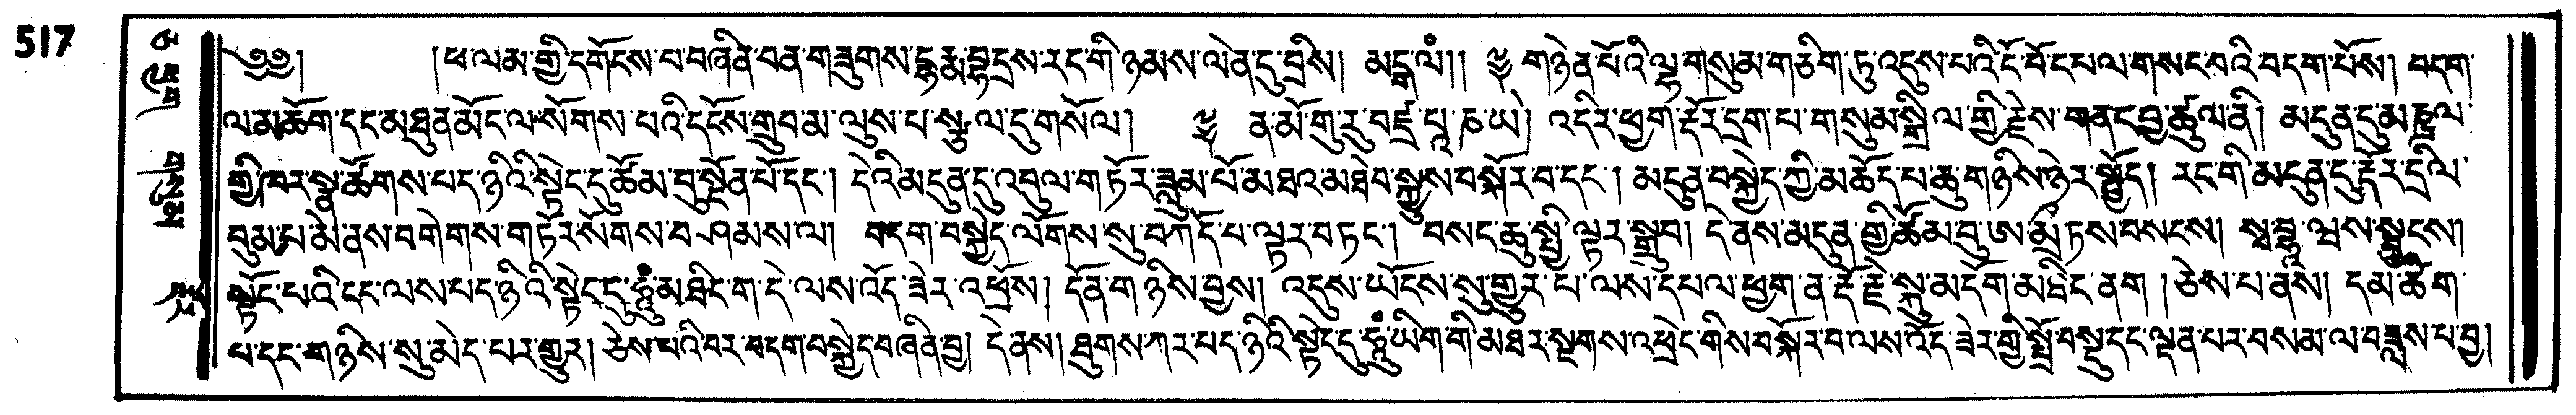༄༅། །ཕ་ལམ་གྱི་དགོངས་པ་བཞིན་བན་གཟུགས་དྷརྨ་བྷ་དྲས་རང་གི་ཉམས་ལེན་དུ་བྲིས། མངྒ་ལཾ།། འ་གཉེན་པོའི་ལྷ་གསུམ་གཅིག་ཏུ་འདུས་པའི་ངོ་བོ་དཔལ་གསང་བའི་བདག་པོས། བདག་
ལ་མཆོག་དང་མཐུན་མོང་ལ་སོགས་པའི་དངོས་གྲུབ་མ་ལུས་པ་སྩལ་དུ་གསོལ། འ་ན་མོ་གུ་རུ་བཛྲ་པཱ་ཎ་ཡེ། འདིར་ཕྱག་རྡོར་དྲག་པ་གསུམ་སྒྲིལ་གྱི་རྗེས་གནང་བྱ་ཚུལ་ནི། མདུན་དུ་མཎྜལ་
གྱི་ཁར་སྣ་ཚོགས་པད་ཉིའི་སྟེང་དུ་ཚོམ་བུ་སྔོན་པོ་དང་། དེའི་མདུན་དུ་འབུལ་གཏོར་ཟླུམ་པོ་མཐའ་མཐེབ་སྐྱུས་བསྐོར་བ་དང་། མདུན་བསྐྱེད་ཀྱི་མཆོད་པ་ཆུ་གཉིས་ཉེར་སྤྱོད། རང་གི་མདུན་དུ་རྡོར་དྲིལ་
བུམ་པ་མེ་ནས་བགེགས་གཏོར་སོགས་བཤམས་ལ། བདག་བསྐྱེད་ལོགས་སུ་བཀོད་པ་ལྟར་བཏང་། བསང་ཆུ་སྤྱི་ལྟར་སྒྲུབ། དེ་ནས་མདུན་གྱི་ཚོམ་བུ་ཨ་མྲྀ་ཏས་བསངས། སྭ་བྷཱ་ཝས་སྦྱངས།
སྟོང་པའི་དང་ལས་པད་ཉིའི་སྟེང་དུ་ཧཱུཾ་མཐིང་ག་དེ་ལས་འོད་ཟེར་འཕྲོས། དོན་གཉིས་བྱས། འདུས་ཡོངས་སུ་གྱུར་པ་ལས་དཔལ་ཕྱག་ན་རྡོ་རྗེ་སྐུ་མདོག་མཐིང་ནག །ཅེས་པ་ནས། དམ་ཚིག་
པ་དང་གཉིས་སུ་མེད་པར་གྱུར། ཅེས་པའི་བར་བདག་བསྐྱེད་བཞིན་བྱ། དེ་ནས། ཐུགས་ཀར་པད་ཉིའི་སྟེང་དུ་ཧཱུཾ་ཡིག་གི་མཐར་སྔགས་འཕྲེང་གིས་བསྐོར་བ་ལས་འོད་ཟེར་གྱི་སྤྲོ་བསྡུ་དང་ལྡན་པར་བསམ་ལ་བཟླས་པ་བྱ།